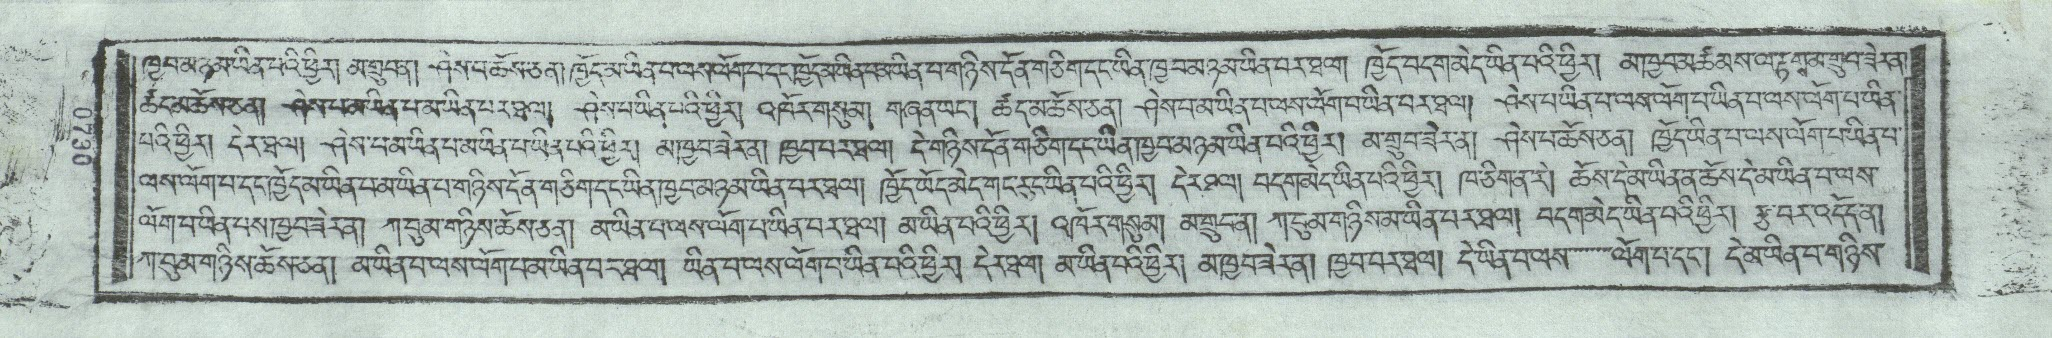ཁྱབ་མཉམ་ཡིན་པའི་ཕྱིར། མ་གྲུབ་ན། ཤེས་པ་ཆོས་ཅན། ཁྱོད་མ་ཡིན་པ་ལས་ལོག་པ་དང་ཁྱོད་མ་ཡིན་པ་མ་ཡིན་པ་གཉིས་དོན་གཅིག་དང་ཡིན་ཁྱབ་མཉམ་ཡིན་པར་ཐལ། ཁྱོད་བདག་མེད་ཡིན་བའི་ཕྱིར། མ་ཁྱབ་མཚམས་ལ་རྟགས་མ་གྲུབ་ཟེར་ན་
ཚད་མ་ཆོས་ཅན། ཤེས་པ་མ་ཡིན་པ་མ་ཡིན་པར་ཐལ། ཤེས་པ་ཡིན་པའི་ཕྱིར། འཁོར་གསུམ། གཞན་ཡང་། ཚད་མ་ཆོས་ཅན། ཤེས་པ་མ་ཡིན་པ་ལས་ལོག་པ་ཡིན་པར་ཐལ། ཤེས་པ་ཡིན་པ་ལས་ལོག་པ་ཡིན་པ་ལས་ལོག་བ་ཡིན་
པའི་ཕྱིར། དེར་ཐལ། ཤེས་པ་མ་ཡིན་པ་མ་ཡིན་པ་ཡིན་པའི་ཕྱིར། མ་ཁྱབ་ཟེར་ན། ཁྱབ་པར་ཐལ། དེ་གཉིས་དོན་གཅིག་དང་ཡིན་ཁྱབ་མཉམ་ཡིན་པའི་ཕྱིར། མ་གྲུབ་ཟེར་ན། ཤེས་པ་ཆོས་ཅན། ཁྱོད་ཡིན་པ་ལས་ལོག་པ་ཡིན་པ་
ལས་ལོག་པ་དང་ཁྱོད་མ་ཡིན་པ་མ་ཡིན་པ་གཉིས་དོན་གཅིག་དང་ཡིན་ཁྱབ་མཉམ་ཡིན་པར་ཐལ། ཁྱོད་ཡོད་མེད་གང་རུང་ཡིན་པའི་ཕྱིར། དེར་ཐལ། བདག་མེད་ཡིན་པའི་ཕྱིར། ཁ་ཅིག་ན་རེ། ཆོས་དེ་མ་ཡིན་ན་ཆོས་དེ་མ་ཡིན་པ་ལས་
ལོག་པ་ཡིན་པས་ཁྱབ་ཟེར་ན། ཀ་བུམ་གཉིས་ཆོས་ཅན། མ་ཡིན་པ་ལས་ལོག་པ་ཡིན་པར་ཐལ། མ་ཡིན་པའི་ཕྱིར། འཁོར་གསུམ། མ་གྲུབ་ན། ཀ་བུམ་གཉིས་མ་ཡིན་པར་ཐལ། བདག་མེད་ཡིན་པའི་ཕྱིར། རྩ་བར་འདོད་ན།
ཀ་བུམ་གཉིས་ཆོས་ཅན། མ་ཡིན་པ་ལས་ལོག་པ་མ་ཡིན་པར་ཐལ། ཡིན་པ་ལས་ལོག་པ་ཡིན་པའི་ཕྱིར། དེར་ཐལ། མ་ཡིན་པའི་ཕྱིར། མ་ཁྱབ་ཟེར་ན། ཁྱབ་པར་ཐལ། དེ་ཡིན་པ་ལས་ལོག་པ་དང་། དེ་མ་ཡིན་པ་གཉིས་